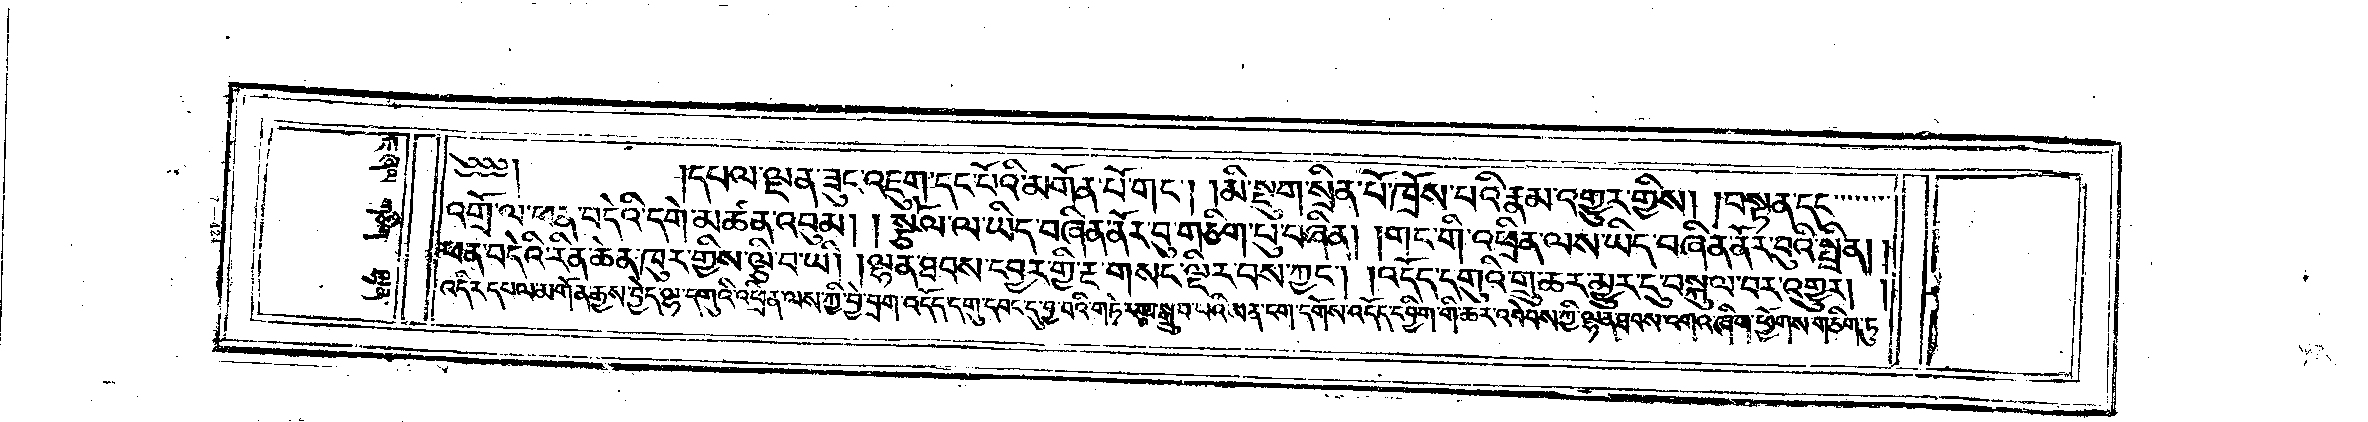༄༅༅། །དཔལ་ལྡན་ཟུང་འཇུག་དང་པོའི་མགོན་པོ་གང་། །མི་སྡུག་སྲིན་པོ་ཁྲོས་པའི་རྣམ་འགྱུར་གྱིས། །བསྟན་དང་
འགྲོ་ལ་ཕན་བདེའི་དགེ་མཚན་འབུམ། །སྩོལ་ལ་ཡིད་བཞིན་ནོར་བུ་གཅིག་པུ་བཞིན། །གང་གི་འཕྲིན་ལས་ཡིད་བཞིན་ནོར་བུའི་སྤྲིན། །
ཕན་བདེའི་རིན་ཆེན་ཁུར་གྱིས་ལྕི་བ་ཡི། །ལྷན་ཐབས་དབྱར་གྱི་རྔ་གསང་ལྡིར་བས་ཀྱང་། །འདོད་དགུའི་གྲུ་ཆར་མྱུར་དུ་བསྐུལ་བར་འགྱུར། །
འདིར་དཔལ་མགོན་རྒྱས་བྱེད་ལྷ་དགུའི་འཕྲིན་ལས་ཀྱི་བྱེ་བྲག་འདོད་དགུ་དབང་དུ་བྱ་བའི་གཏེར་བུམ་སྒྲུབ་པའི་མན་ངག་དགོས་འདོད་དབྱིག་གི་ཆར་འབེབས་ཀྱི་ལྷན་ཐབས་འགའ་ཞིག་ཕྱོགས་གཅིག་ཏུ་